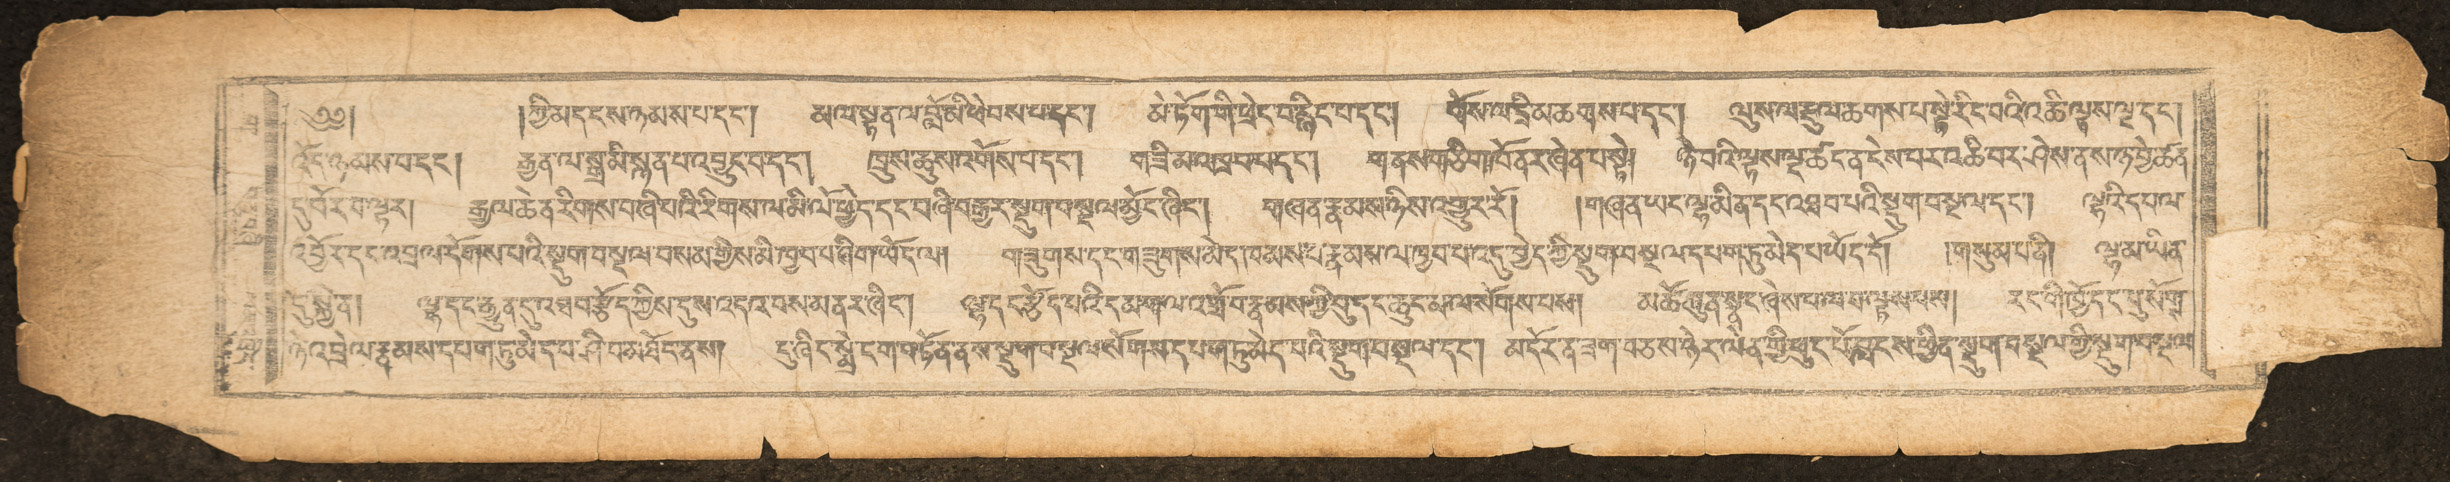༄༅། །ཀྱི་མདངས་ཉམས་པ་དང་། མལ་སྟན་ལ་བློ་མི་ཕེབས་པ་དང་། མེ་ཏོག་གི་ཕྲེང་པ་རྙིང་པ་ནང?། གསོལ་དྲི་མ་ཆགས་པ་དང་། ལུས་ལ་རྡུལ་ཆགས་པ་སྟེ་རིང་པའི?་འཆི་ལྟས་ལྔ་དང་།
འོད་ཉམས་པ་དང་། རྒྱན་ལ་སྒྲ་མི་སྙན་པ་འབྱུང་བ་དང་། ཁྲུས་ཆུས་འགོས་པ་དང་། གཟི་མ་འཁྲབ་པ་དང་། གནས་གཅིག་ཁ་ནོར་ཞེན་པ་སྟེ། ཉེ་བའི་ལྟས་ལྔ་ཚང་ན་ངེས་པར་འཆི་བར་ཤེས་ནས་ཉ་བྱེ་ཚན་
དུ་བོར་བ་ལྟར། རྒྱལ་ཆེན་རིགས་བཞི་བའི་རིགས་ལ་མི་ལོ་ཕྱེད་དང་བཞི་བརྒྱར་སྡུག་བསྔལ་མྱོང་ཞིང་། གཞན་རྣམས་ཉིས་འགྱུར་རོ། །གཞན་ཡང་ལྷ་ཡིན་དང་འཐབ་པའི་སྡུག་བསྔལ་དང་། ལྷའི་དཔལ་
འབྱོར་དང་འབྲལ་དོགས་པའི་སྡུག་བསྔལ་བསམ་གྱིས་མི་ཁྱབ་བ་ཞིག་ཡོད་ལ། གཟུགས་དང་གཟུགས་མེད་ཁམས་པ་རྣམས་ལ་ཁྱབ་པ་འདུ་བྱེད་ཀྱི་སྡུག་བསྔལ་དཔག་ཏུ་མེད་པ་ཡོད་དོ། །གསུམ་པ་ནི། ལྷ་མ་ཡིན་
དུ་སྐྱེ་ན། ལྷ་དང་རྒྱུན་དུ་འཐབ་རྩོད་ཀྱིས་དུས་འདའ་བསམ་ནར་ཞིང་། ལྷ་དང་རྩོད་པའི་དམག་ལ་འགྲོ་བ་རྣམས་ཀྱི་བུ་དང་ཆུང་མ་ལ་སོགས་པས། མཚོ་ཀུན་སྣང་ཞེས་པ་ལ་བ་ལྟས་པས། རང་གི་ཁྱོ་དང་བུ་སོགས་
ཉེ་འབྲེལ་རྣམས་དཔག་ཏུ་མེད་པ་ཤི་བ་མཐོང་ནས། དུ་ཞིང་སྨྲེ་ངག་བཏོན་ནས་སྡུག་བསྔལ་སོགས་དཔག་ཏུ་མེད་པའི་སྡུག་བསྔལ་དང་། མདོར་ན་ཟག་བཅས་ཉེར་ལེན་གྱི་ཕུང་པོ་བླངས་ཕྱིན་སྡུག་བསྔལ་གྱི་སྡུག་བསྔལ་